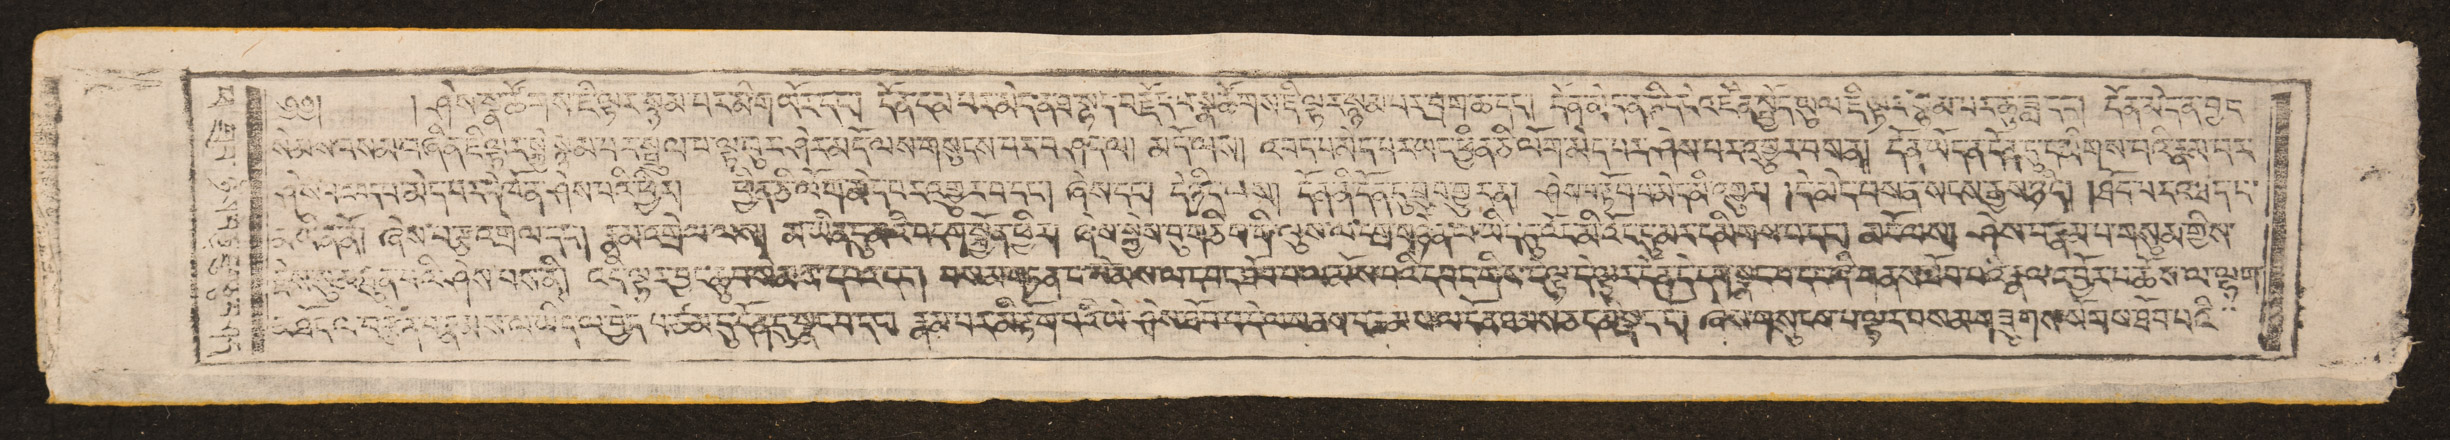༄༅། །ཤེས་སྣ་ཚོགས་ཇི་ལྟར་སྙམ་པར་མིག་ཡོར་དང་། དོན་དམ་པར་མེད་ན་ཐ་སྙད་བརྗོད་པ་སྣ་ཚོགས་ཇི་ལྟར་སྙམ་པར་བྲག་ཆ་དང་། དོན་མེད་ན་ཏིང་ངེ་འཛིན་སྤྱོད་ཡུལ་ཇི་ལྟར་སྙམ་པར་ཆུ་ཟླ་དང་། དོན་མེད་ན་བྱང་
སེམས་བསམ་བཞིན་ཇི་ལྟར་སྐྱེ་སྙམ་པར་སྤྲུལ་པ་ལྟ་བུར་ཤེར་མདོ་ལས་གསུངས་པར་བཤད་ལ། མདོ་ལས། འབད་པ་མེད་པར་ཡང་ཕྱིན་ཅི་ལོག་མེད་པར་ཤེས་པར་འགྱུར་བས་ན། དོན་ཡོད་ན་དོན་དུ་དམིགས་པའི་རྣམ་པར་
ཤེས་པའང་དབ་མེད་པར་དེ་ཁོ་ན་ཤེས་པའི་ཕྱིར། ཕྱིན་ཅི་ལོག་མེད་པར་འགྱུར་བ་དང་། ཞེས་དང་། དེ་ཉིད་ལས། དོན་ནི་དོན་དུ་གྲུབ་གྱུར་ན། ཤེས་པ་རྟོག་པ་མེད་མི་འགྱུར། །དེ་མེད་བས་ན་སངས་རྒྱས་ཉིད། །ཐོབ་པར་འཐད་པ་
མ་ཡིན་ནོ། ཞེས་པ་རྩ་འགྲེལ་དང་། རྣམ་འགྲེལ་ལས། མ་ཡིན་དུ་མའི་བདག་སྐྱོན་ཕྱིར། ཞེས་སྐྱེས་བུ་གཅིག་གི་ལུས་ལ་དགྲ་གཉེན་ལ་ཡིད་དུ་འོད་མི་འོད་དུ་མར་དམིགས་བ་དང་། མདོ་ལས། ཤེས་བ་རྣམ་པ་གསུམ་གྱིས་
རྗེས་སུ་མཐུན་པའི་ཤེས་པས་ནི། འདི་ལྟར་བྱང་ཆུབ་སེམས་དཔའ་དང་། བསམ་གཏན་པ་སེམས་ལ་དབང་ཐོབ་བ་ལ་མོས་པའི་དབང་གིས་དེ་ལྟ་དེ་ལྟར་དོན་དེ་དག་སྣང་བ་དང་ཞི་གནས་ཐོབ་པའི་རྣལ་འབྱོར་པ་ཆོས་ལ་ལྷག་
མཐོང་ལ་བརྩེན་པ་རྣམས་ལ་ཡིད་ལ་བྱེད་པ་ཙམ་དུ་དོན་དུ་སྣང་བ་དང་། རྣམ་པར་མི་རྟོག་པའི་ཡེ་ཤེས་ཐོབ་པ་དེ་ལ་གནས་པ་རྣམས་ལ་དོན་ཐམས་ཅད་མི་སྣང་ངོ། ཞེས་གསུངས་པ་ལྟར་བསམ་གཟུགས་སོགས་ཐོབ་པའི་